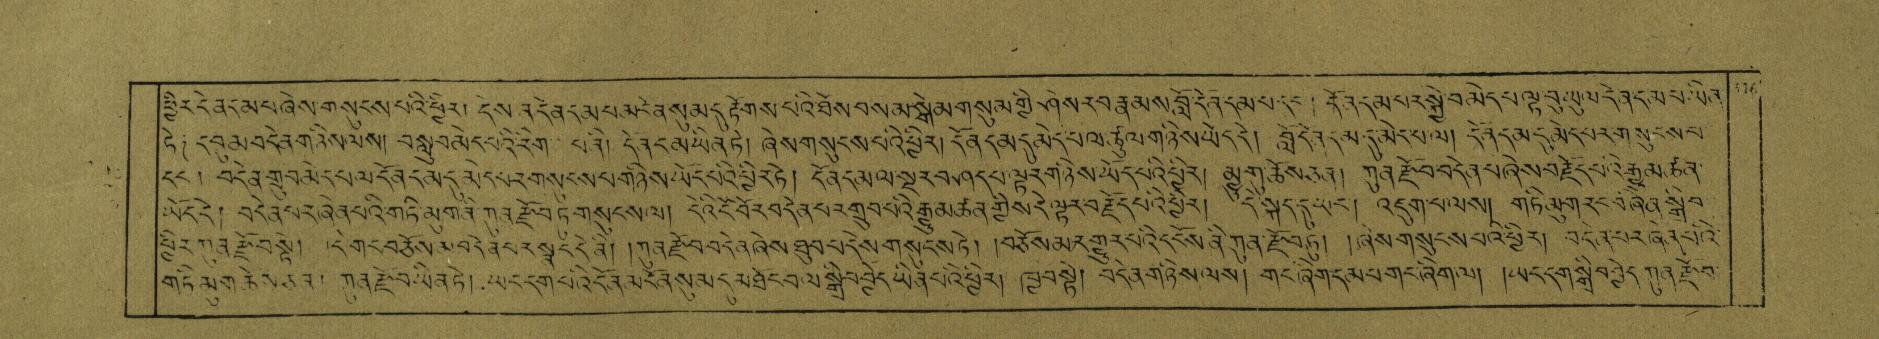ཕྱིར་དེ་ན་དམ་པ་ཞེས་གསུངས་པའི་ཕྱིར། དེས་ན་དོན་དམ་པ་མངོན་སུམ་དུ་རྟོགས་པའི་ཐོས་བསམ་སྒོམ་གསུམ་གྱི་ཤེས་རབ་རྣམས་བློ་དོན་དམ་པ་དང་། དོན་དམ་པར་སྐྱེ་བ་མེད་པ་ལྟ་བུ་ཡུལ་དོན་དམ་པ་ཡིན་
ཏེ༑ དབུ་མ་བདེན་གཉིས་ལས། བསླུ་བ་མེད་པའི་རིག་པ་ནི། དོན་དམ་ཡིན་ཏེ། ཞེས་གསུངས་པའི་ཕྱིར། དོན་དམ་དུ་མེད་པ་ལ་ཚུལ་གཉིས་ཡོད་དེ། བློ་དོན་དམ་དུ་མེད་པ་ལ། དོན་དམ་དུ་མེད་པར་གསུངས་པ་
དང་། བདེན་གྲུབ་མེད་པ་ལ་དོན་དམ་དུ་མེད་པར་གསུངས་པ་གཉིས་ཡོད་པའི་ཕྱིར་ཏེ། དོན་དམ་ལ་སྔར་བཤད་པ་ལྟར་གཉིས་ཡོད་པའི་ཕྱིར། མྱུ་གུ་ཆོས་ཅན། ཀུན་རྫོབ་བདེན་པ་ཞེས་བརྗོད་པའི་རྒྱུ་མཚན་
ཡོད་དེ། བདེན་པར་ཞེན་པའི་གཏི་མུག་ནི་ཀུན་རྫོབ་ཏུ་གསུངས་ལ། དེའི་ངོ་བོར་བདེན་པར་གྲུབ་པའི་རྒྱུ་མཚན་གྱི་ས་དེ་ལྟར་བརྗོད་པའི་ཕྱིར། དེ་སྐད་དུ་ཡང་། འཇུག་པ་ལས། གཏི་མུག་རང་བཞིན་སྒྲིབ་
ཕྱིར་ཀུན་རྫོབ་སྟེ། །དེ་གང་བཅོས་མ་བདེན་པར་སྣང་དེ་ནི། །ཀུན་རྫོབ་བདེན་ཞེས་ཐུབ་པ་དེས་གསུངས་ཏེ། །བཅོས་མར་གྱུར་པའི་དངོས་ནི་ཀུན་རྫོབ་ཏུ། །ཞེས་གསུངས་པའི་ཕྱིར། བདེན་པར་ཞེན་པའི་
གཏི་མུག་ཆོས་ཅན། ཀུན་རྫོབ་ཡིན་ཏེ། ཡང་དག་པའི་དོན་མངོན་སུམ་དུ་མཐོང་བ་ལ་སྒྲིབ་བྱེད་ཡིན་པའི་ཕྱིར། ཁྱབ་སྟེ། བདེན་གཉིས་ལས། གང་ཞིག་དམ་པ་གང་ཞིག་ལ། །ཡང་དག་སྒྲིབ་བྱེད་ཀུན་རྫོབ་